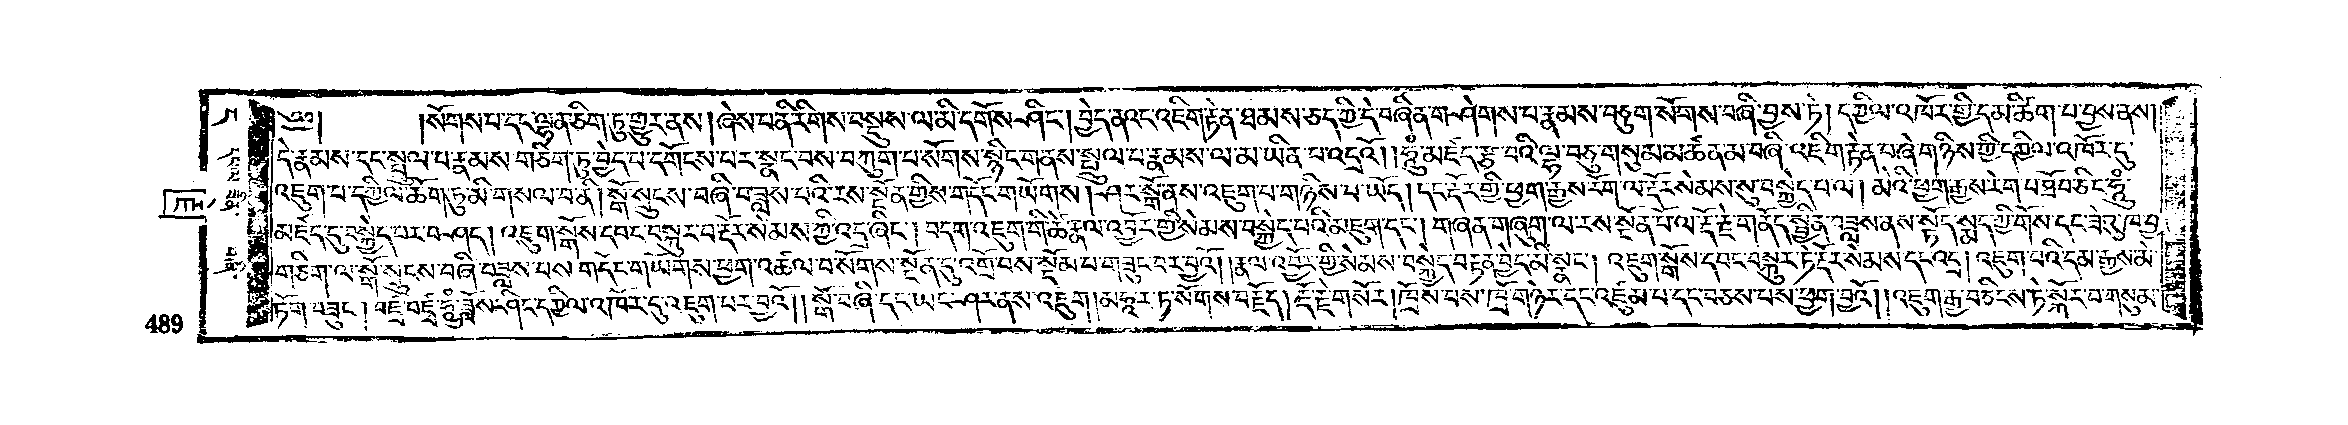༄༅། །སོགས་པ་དང་ལྷན་ཅིག་ཏུ་གྱུར་ནས། ཞེས་པ་ནི་རིགས་བསྡུས་ལ་མི་དགོས་ཤིང་། བྱེད་ནའང་འཇིག་རྟེན་ཐམས་ཅད་ཀྱི་དེ་བཞིན་གཤེགས་པ་རྣམས་བཅུག་སོགས་བཞི་བྱས་ཏེ། དཀྱིལ་འཁོར་གྱི་དམ་ཚིག་པ་བྱས་ནས།
དེ་རྣམས་དང་སྤྲུལ་པ་རྣམས་གཅིག་ཏུ་བྱེད་པ་དགོངས་པར་སྣང་བས་བཀུག་པ་སོགས་སྙིང་ག་ནས་སྤྲུལ་པ་རྣམས་ལ་མ་ཡིན་པ་འདྲའོ། །ཧཱུཾ་མཛད་རྩ་བའི་ལྷ་བཅུ་གསུམ་མཚན་མ་བཞི་འཇིག་རྟེན་པ་ཞེ་གཉིས་ཀྱི་དཀྱིལ་འཁོར་དུ་
འཇུག་པ་དཀྱིལ་ཆོག་ཏུ་མི་གསལ་བ་ནི། སྒོ་སྲུངས་བཞི་བ་ཟླས་པའི་རས་སྔོན་གྱིས་གདོང་གཡོགས། ཤར་སྒོ་ནས་འཇུག་པ་གཉིས་པ་ཡོད། དང་རྡོར་གྱི་ཕྱག་རྒྱས་རོག་ལ་རྡོར་སེམས་སུ་བསྐྱེད་པ་ལ། མེའི་ཕྱག་རྒྱས་རེག་པ་ཐོབ་ཅིང་ཧཱུཾ་
མཛད་དུ་བསྐྱེད་པར་བཤད། འཇུག་སྒོས་དབང་བསྐུར་བ་རྡོར་སེམས་ཀྱི་འདྲ་ཞིང་། བདག་འཇུག་གི་ཚེ་རྣལ་འབྱོར་གྱི་སེམས་བསྐྱེད་པའི་མཇུག་དང་། གཞན་གཞུག་ལ་རས་སྔོན་པོ་ལ་རྡོ་རྗེ་གནོད་སྦྱིན་བཟླས་ནས་སྟོད་སྨད་ཀྱི་གོས་དང་ཟེའུ་ཁ་བྱ་
གཅིག་ལ་སྒོ་སྲུངས་བཞི་བཟླས་པས་གདོང་གཡོགས་ཕྱག་འཚལ་བ་སོགས་སྔོན་དུ་འགྲོ་བས་སྡོམ་པ་གཟུང་བར་བྱའོ། །རྣལ་འབྱོར་གྱི་སེམས་བསྐྱེད་བརྟན་བྱེད་མི་སྣང་། འཇུག་སྒོས་དབང་བསྐུར་ཏེ་རྡོར་སེམས་དང་འདྲ། འཇུག་པའི་དམ་རྒྱས་མེ་
ཏོག་བཟུང་། བཛྲ་བཛྲ་ཧཱུཾ་ཟློས་ཤིང་དཀྱིལ་འཁོར་དུ་འཇུག་པར་བྱའོ། །སྒོ་བཞི་དང་ཡང་ཤར་ནས་འཇུག །མཧཱ་ར་ཏ་སོགས་བརྗོད། རྡོ་རྗེ་གསོར། ཁྲོས་པས་ཁྲོ་གཉེར་དང་འཛུམ་པ་དང་བཅས་པས་ཕྱག་བྱའོ། །འཇུག་རྒྱ་བཅིངས་ཏེ་སྐོར་བ་གསུམ་